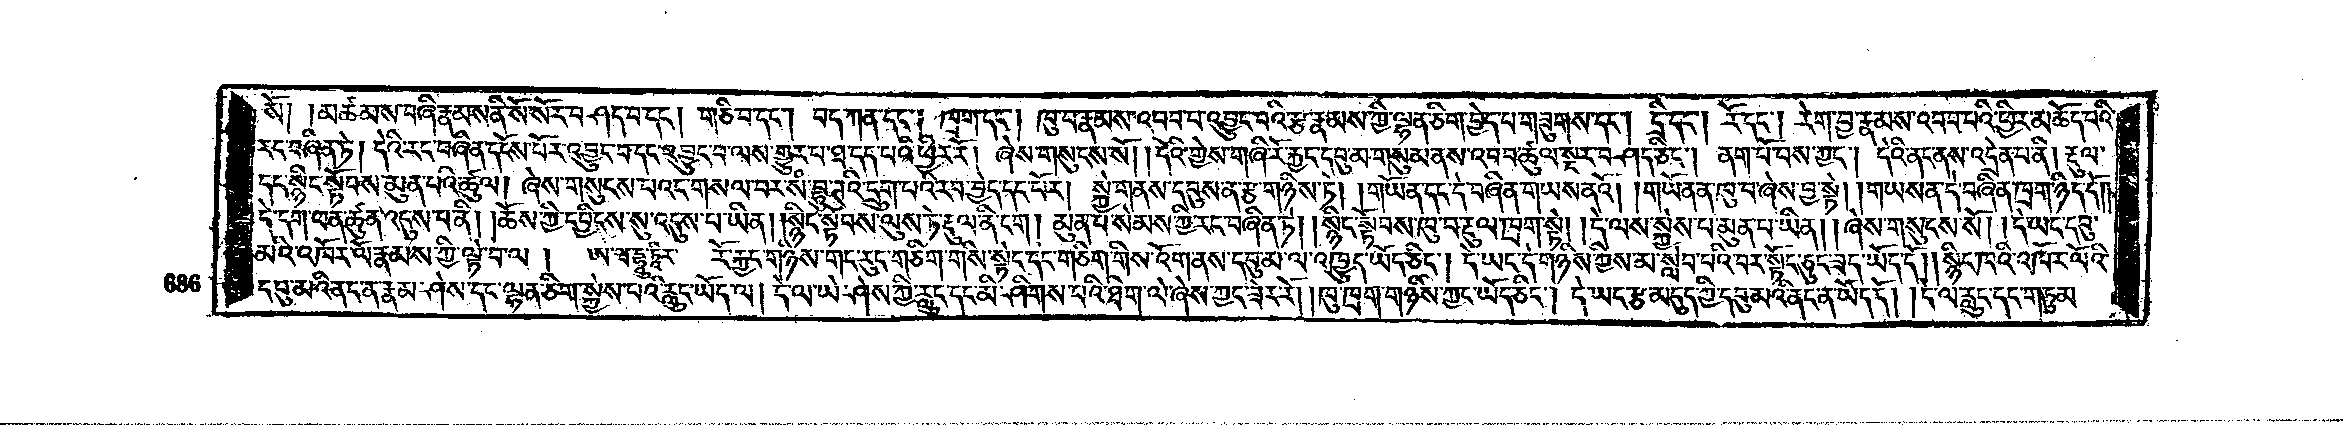སོ། །མཚམས་བཞི་རྣམས་ནི་སོ་སོར་བཤད་བ་དང་། གཅི་བ་དང་། བད་ཀན་དང་། ཁྲག་དང་། ཁུ་བ་རྣམས་འབབ་པ་འབྱུང་བའི་རྩ་རྣམས་ཀྱི་ལྷན་ཅིག་བྱེད་པ་གཟུགས་དང་། དྲི་དང་། རོ་དང་། རེག་བྱ་རྣམས་འབབ་པའི་ཕྱིར་མཆོད་པའི་
རང་བཞིན་ཏེ། དེའི་རང་བཞིན་དངོས་པོར་འབྱུང་བ་དང་འབྱུང་བ་ལས་གྱུར་པ་ཐ་དད་པའི་ཕྱིར་རོ། ཞེས་གསུངས་སོ། །དེའི་གྱེས་གཞི་རོ་རྐྱང་དབུ་མ་གསུམ་ནས་འབབ་ཚུལ་སྔར་བཤད་ཅིང་། ནག་པོ་པས་ཀྱང་། དེའི་ནང་ནས་འདྲེན་པ་ནི། རྡུལ་
དང་སྙིང་སྟོབས་མུན་པའི་ཚུལ། ཞེས་གསུངས་པའང་གསལ་བར་སཾ་བྷུ་ཊའི་དྲུག་པའི་རབ་བྱེད་དང་པོར། སྐྱེ་གནས་དབུས་ན་རྩ་གཉིས་ཏ། །གཡོན་དང་དེ་བཞིན་གཡས་ནའོ། །གཡོན་ན་ཁུ་བ་ཞེས་བྱ་སྟེ། །གཡས་ན་དེ་བཞིན་ཁྲག་ཉིད་དོ། །
དེ་དག་ཕན་ཚུན་འདུས་པ་ནི། །ཆོས་ཀྱི་དབྱིངས་སུ་འདུས་པ་ཡིན། །སྙིང་སྟོབས་ལུས་ཏེ་རྡུལ་ནི་ངག། མུན་པ་སེམས་ཀྱི་རང་བཞིན་ཏེ། །སྙིང་སྟོབས་ཁུ་བ་རྡུལ་ཁྲག་སྟེ། །དེ་ལས་སྐྱེས་པ་མུན་པ་ཡིན། །ཞེས་གསུངས་སོ། །དེ་ཡང་དབུ་
མའི་འཁོར་ལོ་རྣམས་ཀྱི་ལྟེ་བ་ལ། ཨ་ཝ་དྷཱུ་ཏཱིར་རོ་རྐྱང་གཉིས་གང་རུང་གཅིག་གིས་སྟེང་དང་གཅིག་གིས་འོག་ནས་དབུ་མ་ལ་འཁྱུད་ཡོད་ཅིང་། དེ་ཡང་དེ་གཉིས་ཀྱིས་མ་སླེབ་པའི་བར་སྟོང་ཅུང་ཟད་ཡོད་དོ། །སྙིང་ཁའི་འཁོར་ལོའི་
དབུ་མའི་ནང་ན་རྣམ་ཤེས་དང་ལྷན་ཅིག་སྐྱེས་པའི་རླུང་ཡོད་ལ། དེ་ལ་ཡེ་ཤེས་ཀྱི་རླུང་དང་མི་ཤིགས་པའི་ཐིག་ལེ་ཞེས་ཀྱང་ཟེར་རོ། །ཁུ་ཁྲག་གཉིས་ཀྱང་ཡོད་ཅིང་། དེ་ཡང་རྩ་མདུད་ཀྱི་དབུ་མའི་ནང་ན་ཡོད་དོ། །དེ་ལ་རླུང་དང་གཏུམ་